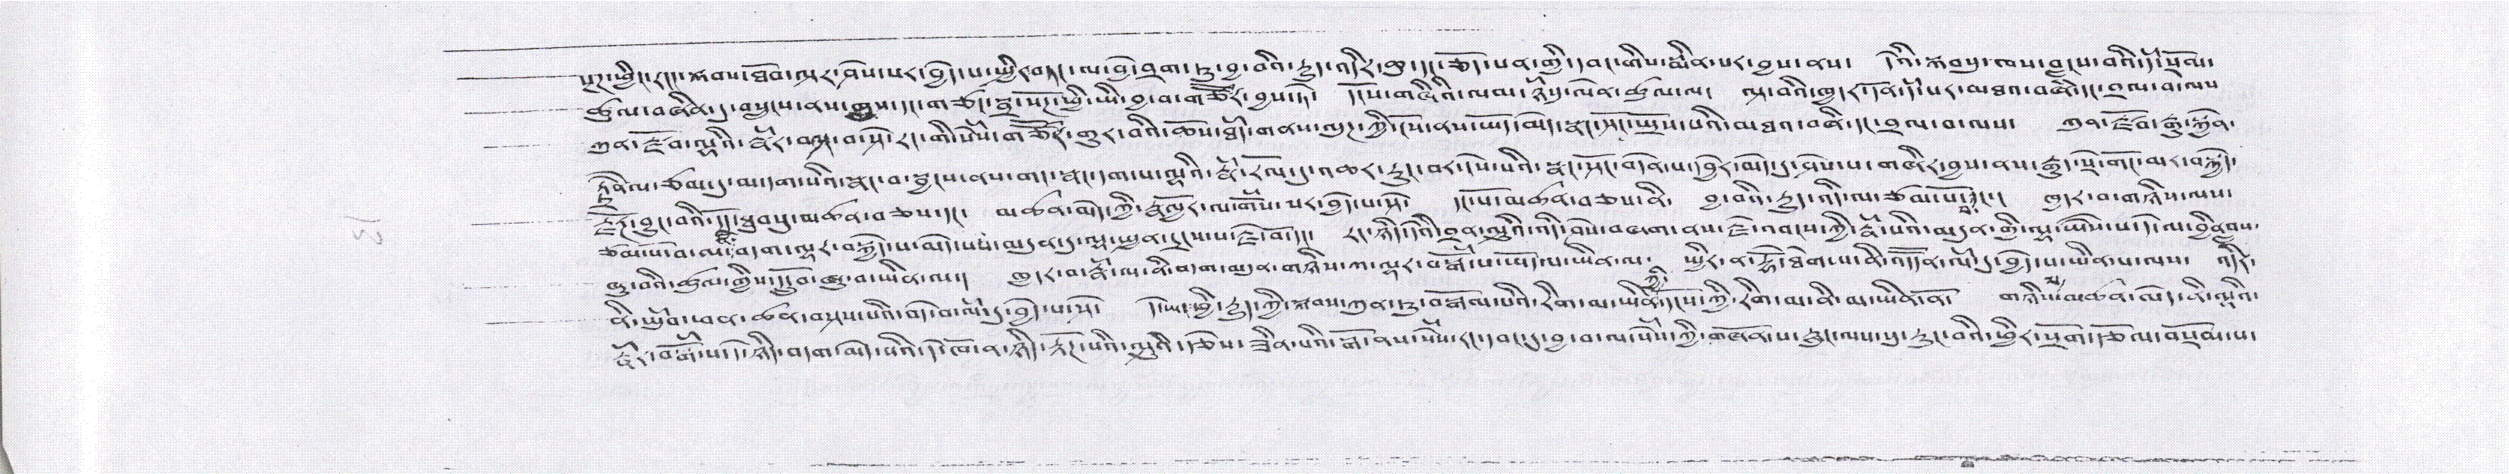སྔགས་ཕྱི་ནང་རང་རང་སྐབས་ཐོབ་ལྟར་ཤེས་པར་བྱེད་པ་སྤྱིར་བཏང་ལ་བྱེ་བྲག་ཏུ་བྱ་བའི་རྒྱུད་འདིར་ཆུ་དང་ཅོད་པཎ་གྱི་དབང་གིས་སྨིན་པར་བྱས་ནས་དེའི་སྐབས་སུ་ཁས་བླངས་པའི་དམ་སྡོམ་
ཚུལ་བཞིན་དུ་སྲུང་ནས་ཁྲུས་དང་གཙང་སྦྲ་སོགས་ཕྱི་ཡི་བྱ་བ་གཙོ་བོར་བྱས་ཏེ། དངོས་གཞིའི་ལམ་ཉམས་སུ་ལེན་ཚུལ་ལ། ལྟ་བའི་ཁྱད་པར་དོན་དམ་པར་མཐའ་བཞི་དང་བྲལ་བ་ལས་
ཀུན་རྫོབ་ལྷ་ཡི་རྣམ་པར་བལྟ་བ་སྟེ། རང་གི་སེམས་གཙོ་བོར་གྱུར་པའི་ཆོས་ཐམས་ཅད་གནས་ལུགས་ཀྱི་ངོས་ནས་ཡོད་མེད་སྣང་སྟོང་སྤྲོས་པའི་མཐའ་བཞི་དང་བྲལ་བ་ལས། ཀུན་རྫོབ་རྒྱུ་རྐྱེན་
རྟེན་འབྲེལ་ཙམ་དུ་མ་དག་པའི་སྣང་བ་སྦྱངས་ནས་གང་སྣང་དག་པ་ལྷ་ཡི་རྣམ་རོལ་དུ་འཆར་རུང་བར་ངེས་པའི་སྣང་སྟོང་བདེན་པ་དབྱེར་མེད་དུ་ཤེས་པ་གཞིར་བྱས་ནས་རྒྱུད་སྡེ་གོང་མར་བསྐྱེད་
རྫོགས་བྱུང་བའི་དོད་ཐུབས་སུ། མཚན་བཅས་དང་མཚན་མེད་ཀྱི་རྣལ་འབྱོར་ལ་གོམས་པར་བྱེད་པ་སྟེ། དང་པོ་མཚན་བཅས་ནི། བྱ་བའི་རྒྱུད་འདི་ལ་ཙམ་པོ་བ་དང་། ཁྱད་པར་བ་གཉིས་ལས། 
ཙམ་པོ་བ་ལས་ནི་བདག་ལྷར་བསྐྱེད་པ་མེད་པས་མདུན་དུ་ལྷ་སྤྱན་དྲངས་པ་རྗེ་བོ་དང་། རང་ཉིད་དེའི་བྲན་ལྟ་བུའི་འདུ་ཤེས་བཞག་ནས་རྗེ་འབངས་ཀྱི་རྣམ་པའི་མདུན་གྱི་ལྷ་ཡེ་ཤེས་པ་དེ་ལ་བྱིན་རླབས་
ཞུ་བའི་ཚུལ་གྱིས་དངོས་གྲུབ་ཞུ་བ་ཡིན་ལ། ཁྱད་པར་བ་རྣམས་ལ་ནི་བདག་མདུན་གཉིས་ཀ་ལྷར་བསྒོམ་པ་ཡོད་པ་ཡིན་ལ། སྤྱིར་ན་རྡོ་རྗེ་ཐེག་པ་ནི་འདོད་ཡོན་ལམ་དུ་བྱེད་པ་ཡིན་པ་ལས། འདིར་
ནི་ཡབ་ཡུམ་ཕན་ཚུན་བཤོས་པའི་བདེ་བ་ལམ་དུ་བྱེད་པ་སྟེ། དེ་ཡང་ཕྱི་རྒྱུད་ཀྱི་སྐབས་ཀུན་ཏུ་བསྒོམ་པའི་རིག་མ་ཡིན་གྱི་དངོས་ཀྱི་རིག་མ་ནི་མ་ཡིན་ནོ། གཉིས་པ་མཚན་མེད་ལྷའི་
རྣམ་པར་བསྒོམ་པ་དེ་ཉིད་བདག་མེད་པའི་དེ་ཁོ་ན་ཉིད་རྟོགས་པའི་ལྟ་བས་རྩིས་ཟིན་པའི་སྒོ་ནས་སེམས་རང་དབང་དུ་བྱ་བ་ལ་སེམས་ཀྱི་གཞོན་པ་རླུང་ལས་སུ་རུང་བའི་ཕྱིར་སྲོག་རྩོལ་བསྡོམ་པ་